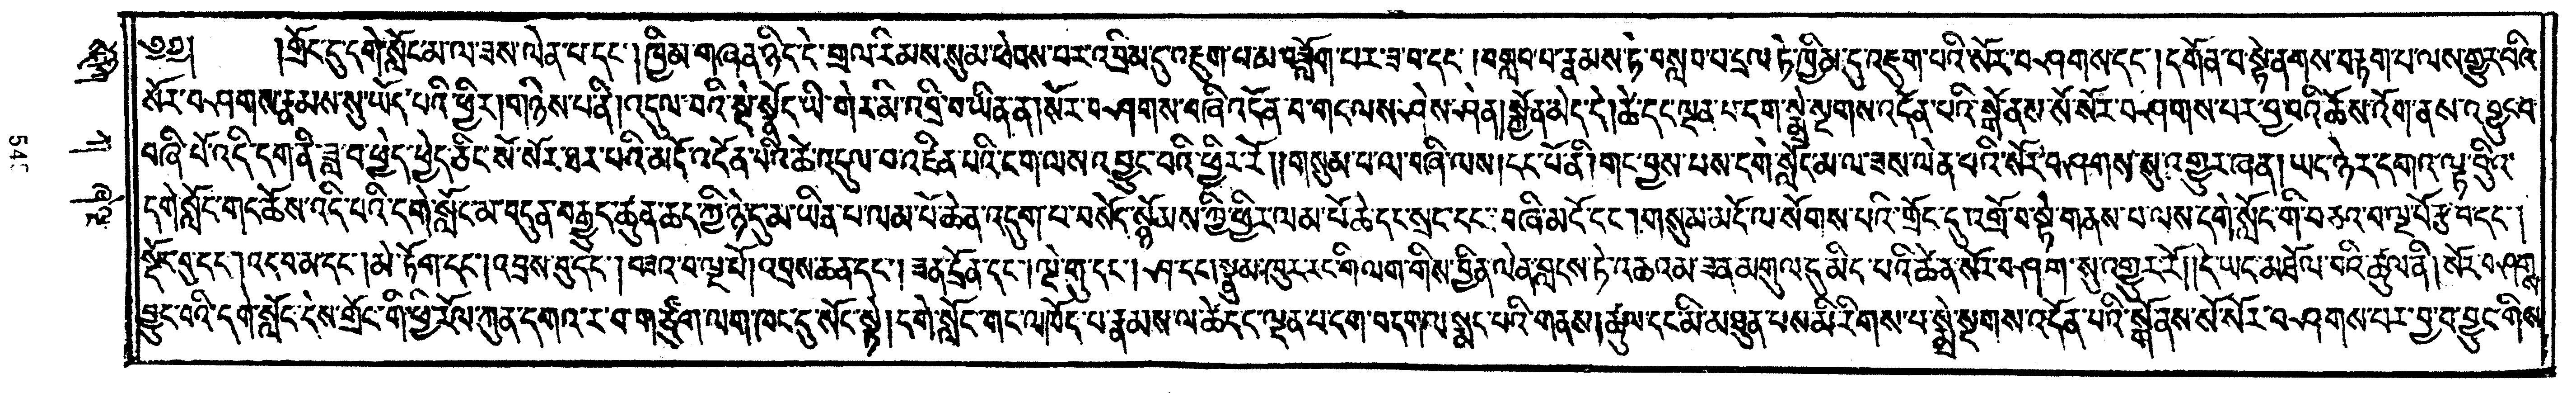༄༅། །གྲོང་དུ་དགེ་སློང་མ་ལ་ཟས་ལེན་པ་དང་། ཁྱིམ་གཞན་ཉིད་དེ་གྲལ་རིམས་སུ་མ་ཕེབས་པར་འབྲིམ་དུ་འྲྡུག་པ་མ་བཟློག་པར་ཟ་བ་དང་། བསླབ་པ་རྣམས་ཏེ་བསླབ་པ་དྲལ་ཏེ་ཁྱིམ་དུ་འཇུག་པའི་སོར་བཤགས་དང་། དགོན་པ་སྟེ་ནགས་བརྟག་པ་ལས་གྱུར་པའི་
སོར་བཤགས་རྣམས་སུ་ཡོད་པའི་ཕྱིར། གཉིས་པ་ནི། འདུལ་བའི་སྡེ་སྣོད་ཡི་གེར་མི་འབྲི་བ་ཡིན་ན། སོར་བཤགས་བཞི་འདོན་བ་གང་ལས་ཤེས་ཤེན། སྐྱོན་མེད་དེ། ཚེ་དང་ལྡན་པ་དག་སྨྲེ་སྔགས་འདོན་པའི་སྒོ་ནས་སོ་སོར་བཤགས་པར་བྱ་བའི་ཆོས་འོག་ནས་འབྱུང་བ་
བཞི་པོ་འདི་དག་ནི་ཟླ་བ་ཕྱེད་ཕྱེད་ཅིང་སོ་སོར་ཐར་པའི་མདོ་འདོན་པའི་ཚེ་འདུལ་བ་འཛིན་པའི་ངག་ལས་འབྱུང་བའི་ཕྱིར་རོ། །གསུམ་པ་ལ་བཞི་ལས། ངང་པོ་ནི། གང་བྱས་པས་དགེ་སློང་མ་ལ་ཟས་ལེན་པའི་སོར་བཤགས་སུ་འགྱུར་ཞན། ཡང་ཉེར་དགའ་ལྟ་བུའི་
དགེ་སློང་གང་ཆོས་འདི་པའི་དགེ་སློང་མ་བདུན་བརྒྱུད་ཚུན་ཆད་ཀྱི་ཉེ་དུ་མ་ཡིན་པ་ལམ་པོ་ཆེན་འདུག་པ་བསོད་སྙོམས་ཀྱི་ཕྱིར་ལམ་པོ་ཆེ་དང་སྲང་དང༑ བཞི་མདོ་དང་། གསུམ་མདོ་ལ་སོགས་པའི་གྲོང་དུ་འགྲོ་བ་སྟེ་གནས་པ་ལས་དགེ་སློང་གི་བཅའ་བ་ལྔ་པོ་རྩ་བ་དང་།
སྡོང་བུ་དང་། འདབ་མ་དང་། མེ་ཏོག་དང་། འབྲས་བུ་དང་། བཟའ་བ་ལྔ་པོ། འབྲས་ཆན་དང་། ཟན་དྲོན་དང་། ལྡེ་གུ་དང་། ཤ་དང་། སྣུམ་ཁུར་རང་གི་ལག་གིས་བྱིན་ལེན་བླངས་ཏེ་འཆའམ་ཟན་མགུལ་དུ་མིང་པའི་ཚེན་སོར་བཤག་སུ་འགྱུར་རོ། །དེ་ཡང་མཐོལ་བའི་ཚུལ་ནི། སོར་བཤགས་
བྱུང་བའི་དགེ་སློང་དེས་གྲོང་གི་ཕྱི་རོལ་ཀུན་དགའ་ར་བ་གཙུག་ལག་ཁང་དུ་སོང་སྟེ། དགེ་སློང་གང་ལ་ཁོད་པ་རྣམས་ལ་ཚེ་དང་ལྡན་པ་དག་བདག་ལ་སྨད་པའི་གནས། ཚུལ་དང་མི་མཐུན་པས་མི་རིགས་པ་སྨྲེ་སྔགས་འདོན་པའི་སྒོ་ནས་སོ་སོར་བཤགས་པར་བྱ་བ་བྱུང་གིས་